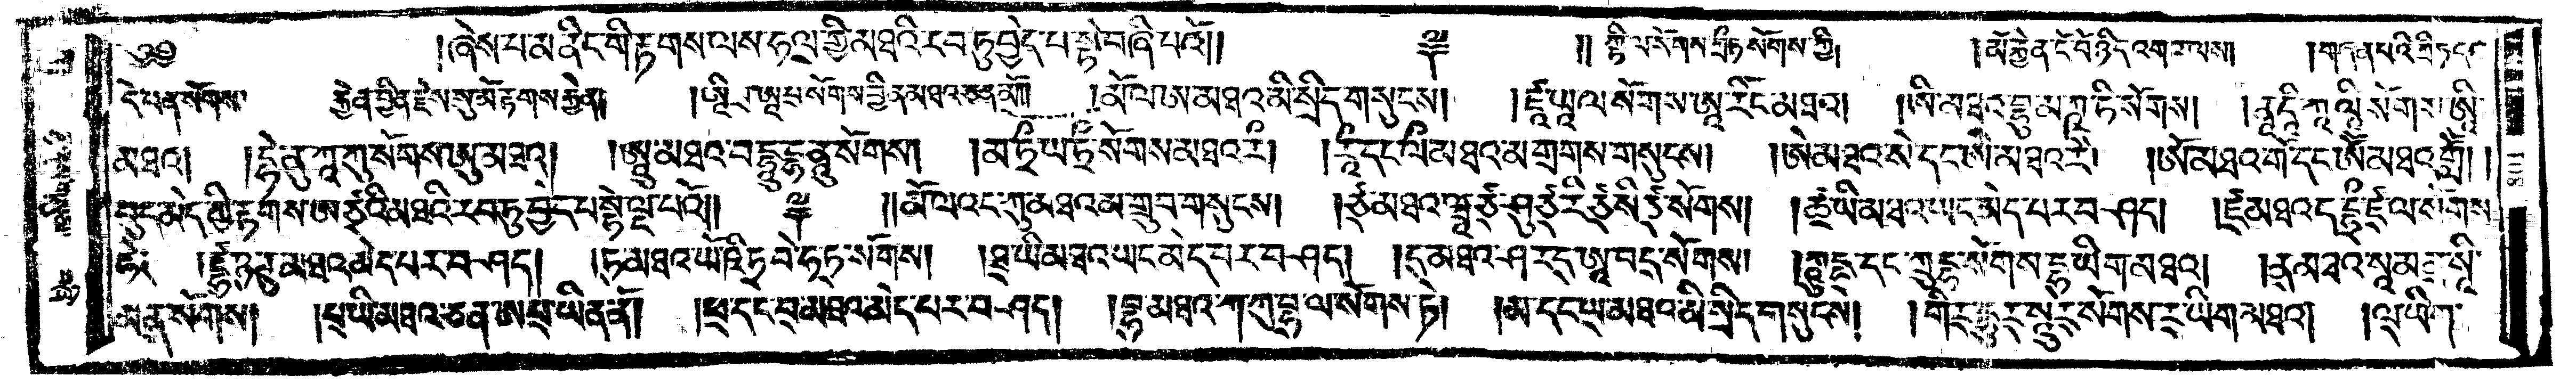༄༅། །ཞེས་པ་མ་ནིང་གི་རྟགས་ལས་ཧལ་གྱི་མཐའི་རབ་ཏུ་བྱེད་པ་སྟེ་བཞི་བའོ།། ༈ །།སྟི་ལ་སོགས་གྲྀཏ་སོགས་ཀྱི། །མོ་རྐྱེན་ངོ་བོ་ཉིད་འགའ་ལས། །གཞན་པའི་ཀྲི་དང་
དེ་པན་སོགས། རྐྱེན་བྱིན་རྗེས་སུ་མོ་རྟགས་རྐྱེན། །ཨཱི་?་པ་སོགས་བྱིན་མཐའ་ཅན་མོ། །མོ་ལ་ཨ་མཐའ་མི་སྲིད་གསུངས། །ཛཱ་ཡཱ་ལ་སོགས་ཨཱ་རིང་མཐའ། །ཨི་མཐའ་བྷུ་མ་ཀཱ་ཏི་སོགས། །ནཱ་དཱི་ཀཱ་ལི་སོགས་ཨཱི་
མཐའ། །དྷེ་ནུ་ཀཱ་ཀུ་སོགས་ཨུ་མཐའ། །ཨཱུ་མཐའ་བ་དྷུ་དྷ་ནུ་སོགས། །མ་ཏྲྀ་ཡ་ཏྲྀ་སོགས་མཐའ་རྀ། །རཱྀ་དང་ལྀ་མཐའ་མ་གྲགས་གསུངས། །ཨེ་མཐའ་སེ་དང་ཨེ་མཐའ་རི། །ཨོ་མཐའ་གོ་དང་ཨོཾ་མཐའ་གྲོ། །
བུད་མེད་ཀྱི་རྟགས་ཨ་ཙྭའི་མཐའི་རབ་ཏུ་བྱེད་པ་སྟེ་ལྔ་པའོ།། །།མོ་ལའང་ཀུ་མཐའ་མ་གྲུབ་གསུངས། །ཙ་མཐའ་ཝཱ་ཙ་རི་ཙ་སི་ཙ་སོགས། །ཚ་ཡི་མཐའ་ཡང་མེད་པར་བཤད། །ཛྲ་མཐའ་ད་དྷྲཾ་ཛ་ལ་སོགས་
ཧེ། །བྷ་ཉ་ཌཱུ་མཐའ་མེད་པར་བཤད། །ཏྲ་མཐའ་ཡོ་ཥི་ཏྲ་བེ་ཧ་ཏྲ་སོགས། །ལྔ་ཡི་མཐའ་ཡང་མེད་པར་བཤད། །དུ་མཐའ་ཤ་རང་ཨཱ་བདྲ་སོགས། །?  དང་ཀུ་དྷ་སོགས་དྷ་ཡིག་མཐའ། །ན་མཐའ་སཱ་མ་རྫ་སཱི་
མན་སོགས། །པྲ་ཡི་མཐའ་ཅན་ཨ་པྲ་ཡིན་ནོ། །ཕྲ་དང་བྲ་མཐའ་མེད་པར་བཤད། །བྷ་མཐའ་ཀ་ཀ་བྷ་ལ་སོགས་ཏེ། །མ་དང་པྲ་མཐའ་མི་སྲིད་གསུངས། །གར་དྷུ་རུ་སཱུར་སོགས་རུ་ཡིག་མཐའ། །ལྔ་ཡི་